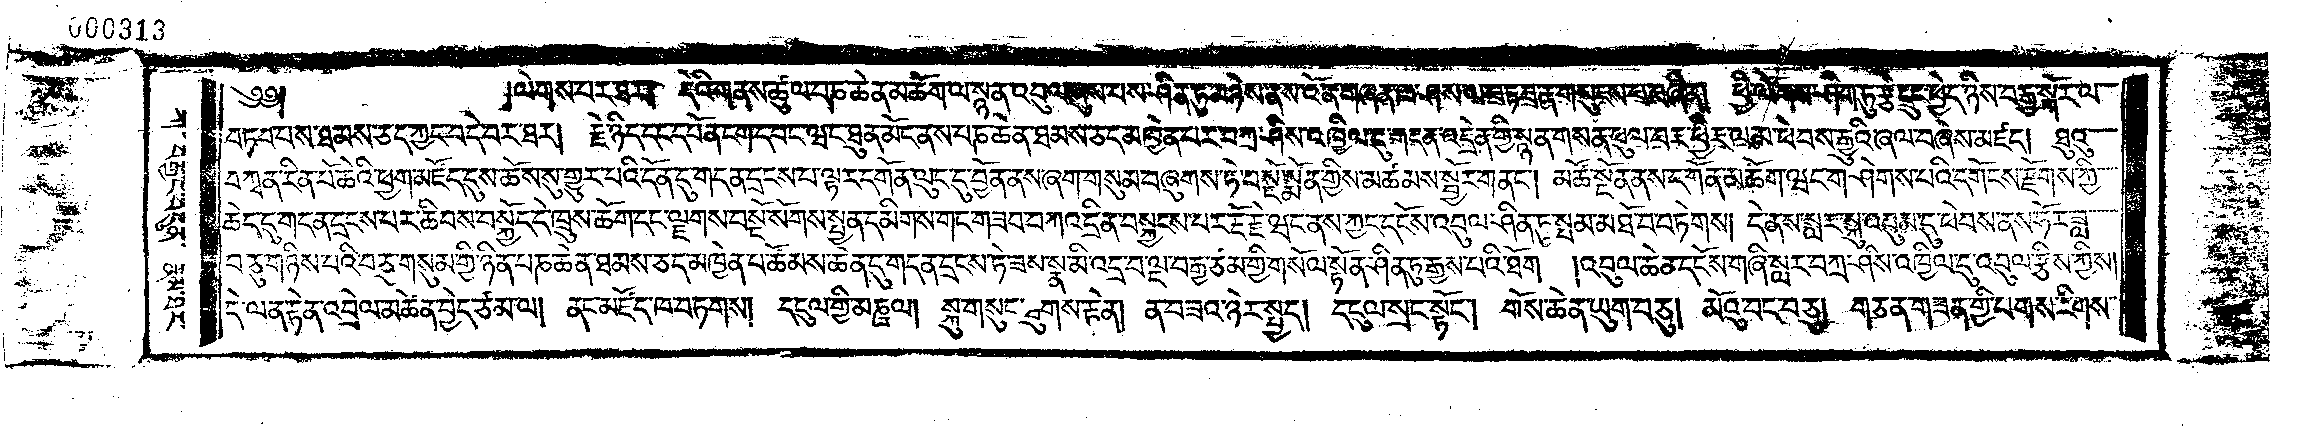༄༅། །ལེགས་པར་ཐར། དེའི་གནས་ཚུལ་པཎ་ཆེན་མཆོག་ལ་སྙན་འབུལ་ཞུས་པས་ཤིན་ཏུ་མཉེས་ནས་འོ་ན་གཞན་ཁ་ཤས་ལ་བཏབ་ནས་གསུངས་པ་བཞིན། ཕྱི་ལོགས་ཤིག་ཏུ་རྩེ་དྲུང་ཕྱེད་ཉིས་བརྒྱ་སྐོར་ལ་
བཏབ་པས་ཐམས་ཅད་ཀྱང་བདེ་བར་ཐར། རྗེ་ཉིད་དང་དཔོན་ངག་དབང་ཝང་ཐུན་མོང་ནས་པཎ་ཆེན་ཐམས་ཅད་མཁྱེན་པར་བཀྲ་ཤིས་འཁྱིལ་དུ་གདན་འདྲེན་གྱི་སྙན་གསན་ཕུལ་བར་ཕྱིར་ལམ་ཕེབས་རྒྱུའི་ཞལ་བཞེས་མཛད། ཐུའུ་
བཀྭན་རིན་པོ་ཆེའི་ཕྱག་མཛོད་དུས་ཆོས་སུ་གྱུར་པའི་དོན་དུ་གདན་དྲངས་པ་ལྟར་དགོན་ལུང་དུ་བྱོན་ནས་ཞག་གསུམ་བཞུགས་ཏེ་བསྔོ་སྨོན་གྱིས་མཚམས་སྦྱོར་གནང་། མཚོ་སྔོན་ནས་དཀོན་མཆོག་ཝང་གཤེགས་པའི་དགོངས་རྫོགས་ཀྱི་
ཆེད་དུ་གདན་དྲངས་པར་ཆིབས་བསྐྱོད་དེ་ཁྲུས་ཆོག་དང་ལྗགས་བསྔོ་སོགས་སྤྱན་དམིགས་གང་གཟབ་བཀའ་དྲིན་བསྐྱངས་པར་རྡོ་རྗེ་ཝང་ནས་ཀྱང་དངོས་འབུལ་ཤིན་ཏུ་སྤམ་མཐོ་བ་བཏེགས། དེ་ནས་སླར་སྐུ་འབུམ་དུ་ཕེབས་ནས་ཧོར་ཟླ་
བཅུ་གཉིས་པའི་བཅུ་གསུམ་གྱི་ཉིན་པཎ་ཆེན་ཐམས་ཅད་མཁྱེན་པ་ཚོམས་ཆེན་དུ་གདན་དྲངས་ཏེ་ཟས་སྣ་མི་འདྲ་བ་ལྔ་བརྒྱ་ཙམ་གྱི་གསོལ་སྟོན་ཤིན་ཏུ་རྒྱས་པའི་ཐོག །འབུལ་ཆེན་དངོས་གཞི་སླར་བཀྲ་ཤིས་འཁྱིལ་དུ་འབུལ་རྩིས་ཀྱིས།
དེ་ལན་རྟེན་འབྲེལ་མཚེན་བྱེད་ཙམ་ལ། ནང་མཛོད་ཁ་བཏགས། དངུལ་གྱི་མཎྜལ། སྐུ་གསུང་ཐུགས་རྟེན། ན་བཟའ་ཉེར་སྤྱད། དངུལ་སྲད་སྟོང་། གོས་ཆེན་ཡུག་བཅུ། མོའུ་བང་བཅུ། གཅན་གཟན་གྱི་པགས་རིགས་